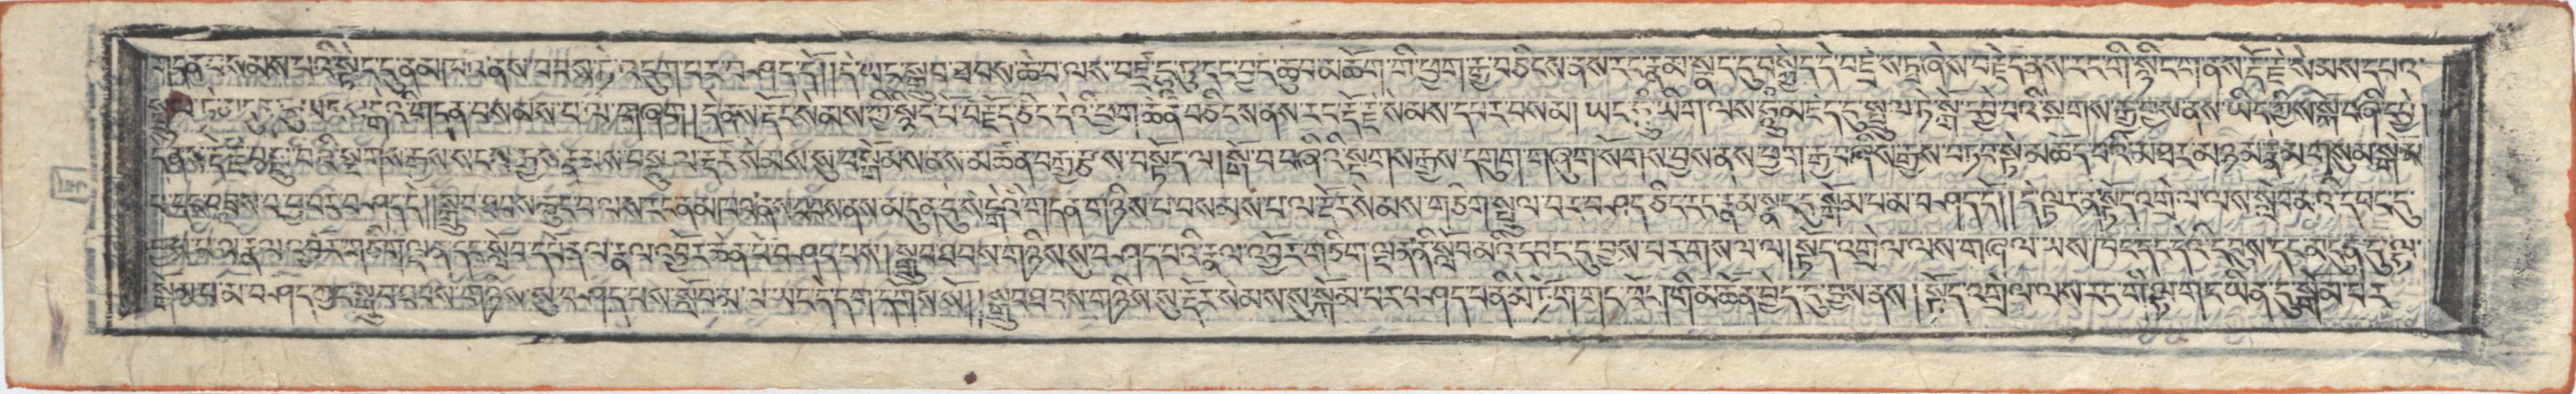གདན་བསམས་པའི་སྟེང་དུ་ནམ་མཁའ་ནས་བབས་ཏེ་འདུག་པར་བཤད་དོ། །དེ་ཡང་སྒྲུབ་ཐབས་ཆེ་བ་ལས་བཛྲ་དྷཱ་ཏུ་དང་བྱང་ཆུབ་མཆོག་གི་ཕྱག་རྒྱ་བཅིངས་ནས་རང་རྣམ་སྣང་དུ་བསྐྱེད་དེ་བཛྲ་སཏྭ་ཞེས་བརྗོད་ནས་རང་གི་སྙིང་ག་ནས་རྡོ་རྗེ་སེམས་དཔའ་
སྤྲུལ་ཏེ་མདུན་དུ་ཡང་སེངྒེའི་གདན་བསམས་པ་ལ་གཞག །དེ་ནས་རྡོར་སེམས་ཀྱི་སྙིང་པོ་བརྗོད་ཅིང་དེའི་ཕྱག་ཆེན་བཅིངས་ནས་རང་རྡོ་རྗེ་སེམས་དཔར་བསམ། ཡང་ཧཱུཾ་ཡིག་ལས་ཧཱུཾ་མཛད་དུ་སྤྲུལ་ཏེ་སྒོ་དབྱེ་བའི་སྔགས་རྒྱ་བྱས་ནས་ཡིད་ཀྱིས་སྐོ་བཞི་དབྱེ།
དེ་ནས་རྡོ་རྗེ་བསྡུ་བའི་སྔགས་རྒྱས་སངས་རྒྱས་རྣམས་བསྡུལ་རྡོར་སེམས་སུ་བསྒོམས་ནས་མཚན་བརྒྱ་རྩས་བསྟོད་ལ། སྒོ་བ་བཞིའི་སྔགས་རྒྱས་དགུག་གཞུག་སོགས་བྱས་ནས་ཕྱག་རྒྱ་བཞིས་རྒྱས་བཏབ་སྟེ་མཆོད་པའི་མཐར་མཉམ་རྣམ་གསུམ་སྒོམ་
པ་དང་བཟླས་བ་བྱ་བར་བཤད་དོ། །སྒྲུབ་ཐབས་ཆུང་བ་ལས་རང་ནམ་མཁའ་ནས་བབས་ནས་མདུན་དུ་སེངྒེའི་གདན་གཉིས་པ་བསམས་པ་ལ་རྡོར་སེམས་གཅིག་སྤྲུལ་བར་བཤད་ཅིང་རང་རྣམ་སྣང་དུ་སྒོམ་པ་མ་བཤད་དོ། །དེ་ལྟར་ན་སྟོད་འགྲེལ་ལས་སློབ་མའི་དབང་དུ་
བྱས་པ་ལ་རྣལ་འབྱོར་གཅིག་ལྡན་དང་སློབ་དཔོན་ལ་རྣལ་འབྱོར་ཆེན་པོ་བཤད་པས། སྒྲུབ་ཐབས་གཉིས་སུ་བཤད་པའི་རྣལ་འབྱོར་གཅིག་ལྡན་ནི་སློབ་མའི་དབང་དུ་བྱས་པར་གསལ་ལ། སྟོད་འགྲེལ་ལས་གཞལ་ཡས་ཁང་དང་དེའི་དབུས་དང་མདུན་དུ་ལྷ་
སྒོམ་པ་མ་བཤད་ཀྱང་སྒྲུབ་ཐབས་གཉིས་སུ་བཤད་པས་སློབ་མ་ལ་ཡང་དེ་དག་དགོས་སོ། །སྒྲུབ་ཐབས་གཉིས་སུ་རྡོར་སེམས་སུ་སྐོམ་པར་བཤད་པ་ནི་མེ་ཏོག་གང་པོག་གི་མཚོན་བྱེད་དུ་བྱས་ནས། སྟོད་འགྲེལ་ལས་རང་གི་ལྷ་གང་ཡིན་དུ་སྒོམ་པར་